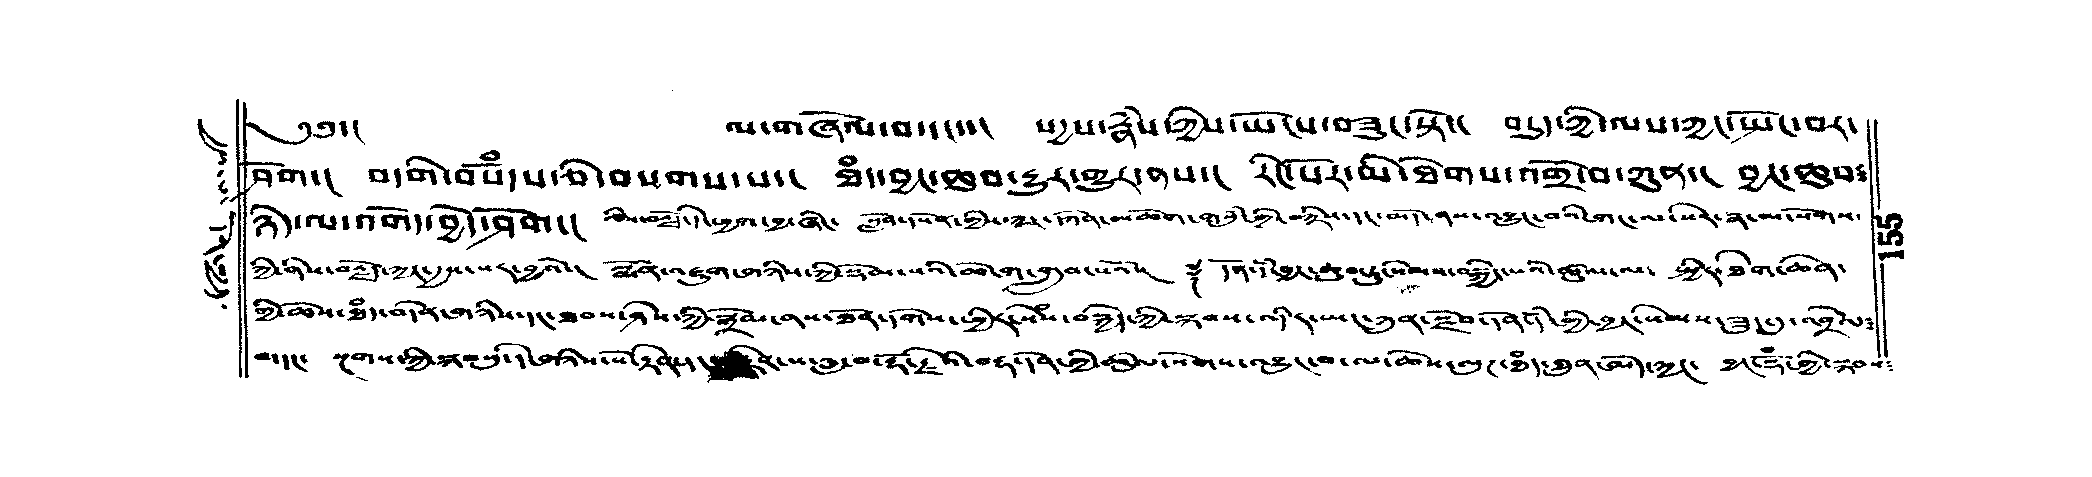ལ་གཞོལ་བ་དང་། སངས་རྒྱས་རྣམས་ཀྱིས་ཡོངས་བཟུང་སྟེ། བདུད་ཀྱི་ལས་ཀྱང་སྤོང་བར་
ཤོག བདག་གི་བསོད་ནམས་ཅི་བསགས་པ། ཐམས་ཅད་བྱང་ཆུབ་རྒྱུར་གྱུར་ནས། རིང་པོར་མི་ཐེགས་འགྲོ་བ་ཀུན། བྱང་ཆུབ་
ཉིད་ལ་འགོད་བྱེད་ཤོག ཅེས་བརྗོད་དེ་ཕྱག་བྱ་ཞིང་། སློབ་དཔོན་གྱི་ཀྱང་དཀོན་མཆོག་གསུམ་གྱི་བཀྲ་ཤིས་དང་མདོ་ནས་འབྱུང་བའི་གག་ལ་སེར་སྣ་མ་སོགས་
ཀྱི་་་་བརྗོད་ཀྱང་རྒྱས་པར་བྱའོ། སྨོན་འཇུག་གཉིས་ཀྱི་སྡོམ་པའི་ཆོ་ག་གྲུབ་པའོ། ༈ དོན་དམ་བྱང་ཆུབ་སེམས་བསྐྱེད་པའི་ཚུལ་ལ། སྤྱིར་ཐེག་ཆེན་
གྱི་ཆོས་ཐམས་ཅད་བདེན་གཉིས་དང་ཐབས་ཤེས་ཀྱི་སྒྲོམ་ནས་ཐོན་དགོས་ཕྱིར་སེམས་བསྐྱེད་ཀྱི་སྐབས་འདིར་ཡང་ཀུན་རྫོབ་དོན་དམ་གྱི་བྱང་སེམས་ཟུང་དུ་འབྲེལ་
བ་དང་། སྔགས་ཀྱི་སྐབས་སུ་དེ་གཉིས་པོ་རྟེན་དང་བརྟེན་པ་ཟླ་བ་རྡོ་རྗེའི་བརྡ་དོན་གྱི་ཚུལ་སོགས་འབྱུང་བ་ལ་ཆོས་ལུགས་ཐམས་ཅད་ཐུན་མོད་ཀྱང་། བྱང་སྡོམ་གྱི་སྐབས་